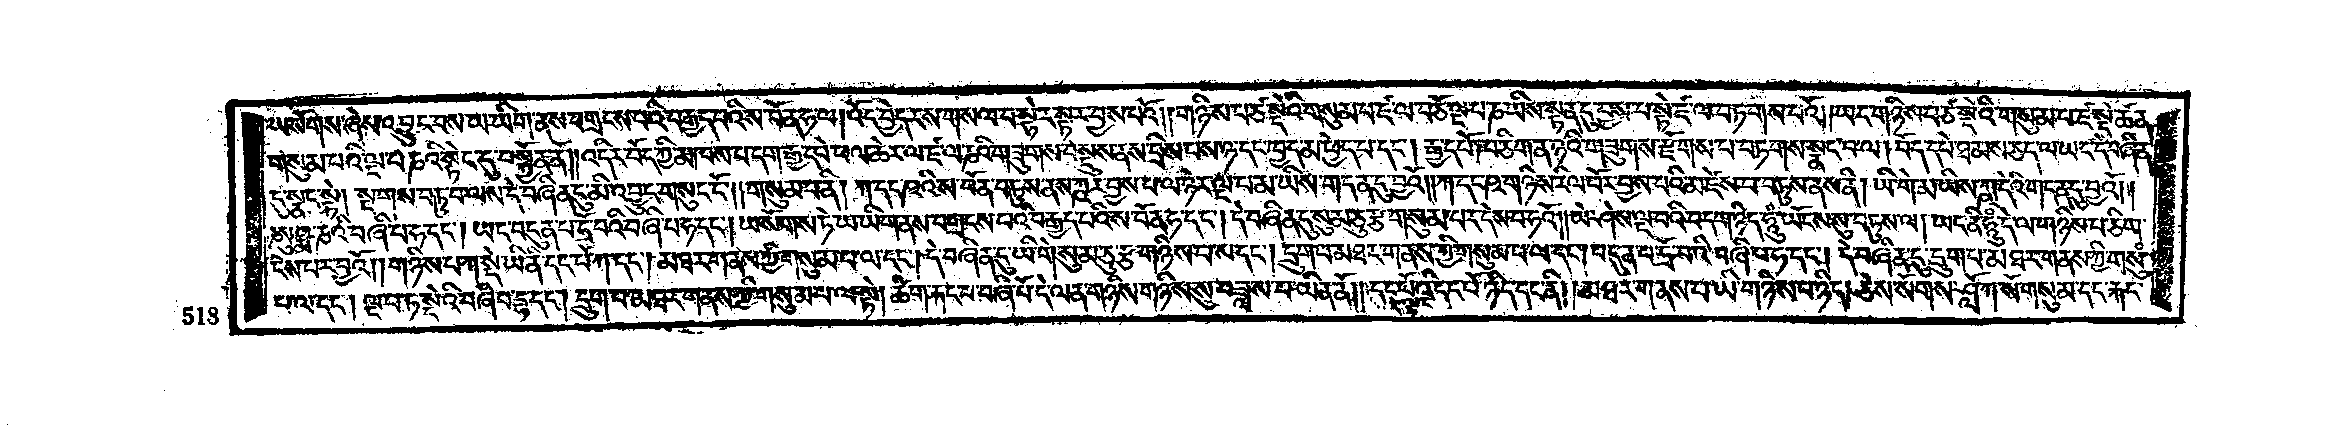ཡ་སོགས་ཞེས་འབྱུང་བས་ཡ་ཡིག་ནས་བགྲངས་པའི་བརྒྱད་པའི་ས་བོན་ཧ་ལ། འོད་བྱེད་རས་གསལ་བ་སྟེར་སྟར་བྱས་པའོ། །གཉིས་པ་ཙ་སྡེའི་གསུམ་པ་ཛ་ལ་བཅོ་ལྔ་པ་ཎ་ཡིས་སྟན་དུ་བྱས་པ་སྟེ་ཛ་ལ་བཏགས་པའོ། །ཡང་གཉིས་པ་ཙ་སྡེའི་གསུམ་པ་ཛ་སྡེ་ཚན་
གསུམ་པའི་ལྔ་པ་ཎའི་སྟེང་དུ་བསྐྱོན་ནོ། །འདིར་བོད་ཀྱི་མཁས་པ་དག་རྒྱ་དཔེ་ཕལ་ཆེར་ལ་ཛ་ལ་ཎའི་གཟུགས་བསྡུས་ནས་བྲིས་པས་ཉ་དང་ཁྱད་མ་ཕྱེད་པ་དང་། རྒྱ་དཔེ་ཁ་ཅིག་ན་ཉའི་གཟུགས་རྫོགས་པ་བཏགས་སྣང་བ་ལ། བོད་དཔེ་ཐམས་ཅད་ལ་ཡང་དེ་བཞིན་
དུ་སྣང་སྟེ། སྔགས་བཏུ་བ་ལས་དེ་བཞིན་དུ་མི་འབྱུང་གསུང་ངོ། །གསུམ་པ་ནི། ཀ་དང་ཥའི་ས་བོན་བཏུས་ནས་ཀྵར་བྱས་པ་ལ་ཉེར་ལྔ་པ་མ་ཡིས་གདན་དུ་བྱའོ། །ཀ་དང་ཥ་གཉིས་རིལ་པོར་བྱས་པའི་མཛེས་པ་བཏུས་ནས་ནི། ཡི་གེ་མ་ཡིས་ཀྵ་དེའི་གདན་དུ་བྱའོ། །
ཨུཥྨ་ཎའི་བཞི་པ་ཧ་དང་། ཡང་བདུན་པ་དྲོ་བའི་བཞི་པ་ཧ་དང་། ཡ་སོགས་ཏེ་ཡ་ཡིག་ནས་བགྲངས་པའི་བརྒྱད་པའི་ས་བོན་ཧ་དང་། དེ་བཞིན་དུ་སུམ་ཅུ་རྩ་གསུམ་པར་དེས་བ་ཧའོ། །ཡེ་ཤེས་ལྔ་པའི་བདག་ཉིད་ཧཱུཾ་ཡོངས་སུ་བཏུས་ལ། ཡང་ནི་ཧཱུཾ་དེ་ལ་གཉིས་པ་ཅིག་
ངེས་པར་བྱའོ། །གཉིས་པ་ཀ་སྡེ་ཡི་ནི་དང་པོ་ཀ་དང་། མཐར་གནས་ཀྱི་གསུམ་པ་ལ་དང་། དེ་བཞིན་དུ་ཡི་གེ་སུམ་ཅུ་རྩ་གཉིས་པ་ས་དང་། དྲུག་པ་མཐར་གནས་ཀྱི་གསུམ་པ་ལ་དང་། བདུན་པ་དྲོ་བའི་བཞི་པ་ཧ་དང་། དེ་བཞིན་དུ་དྲུག་པ་མཐར་གནས་ཀྱི་གསུཾ་
པ་ལ་དང་། ལྔ་པ་ཏ་སྡེའི་བཞི་པ་དྷ་དང་། དྲུག་པ་མཐར་གནས་ཀྱི་གསུམ་པ་ལ་སྟེ། ཚིག་རྐང་པ་བཞི་པོ་དེ་ལན་གཉིས་གཉིས་སུ་བཟླས་པ་ཡིན་ནོ། །དེ་ལྟར་དང་པོ་ནི་དང་པོ་ཉིད་དང་ནི། །མཐར་གནས་པ་ཡི་གཉིས་པ་ཉིད། ཅེས་སོགས་ཤློ་ཀ་སོ་གསུམ་དང་རྐང་